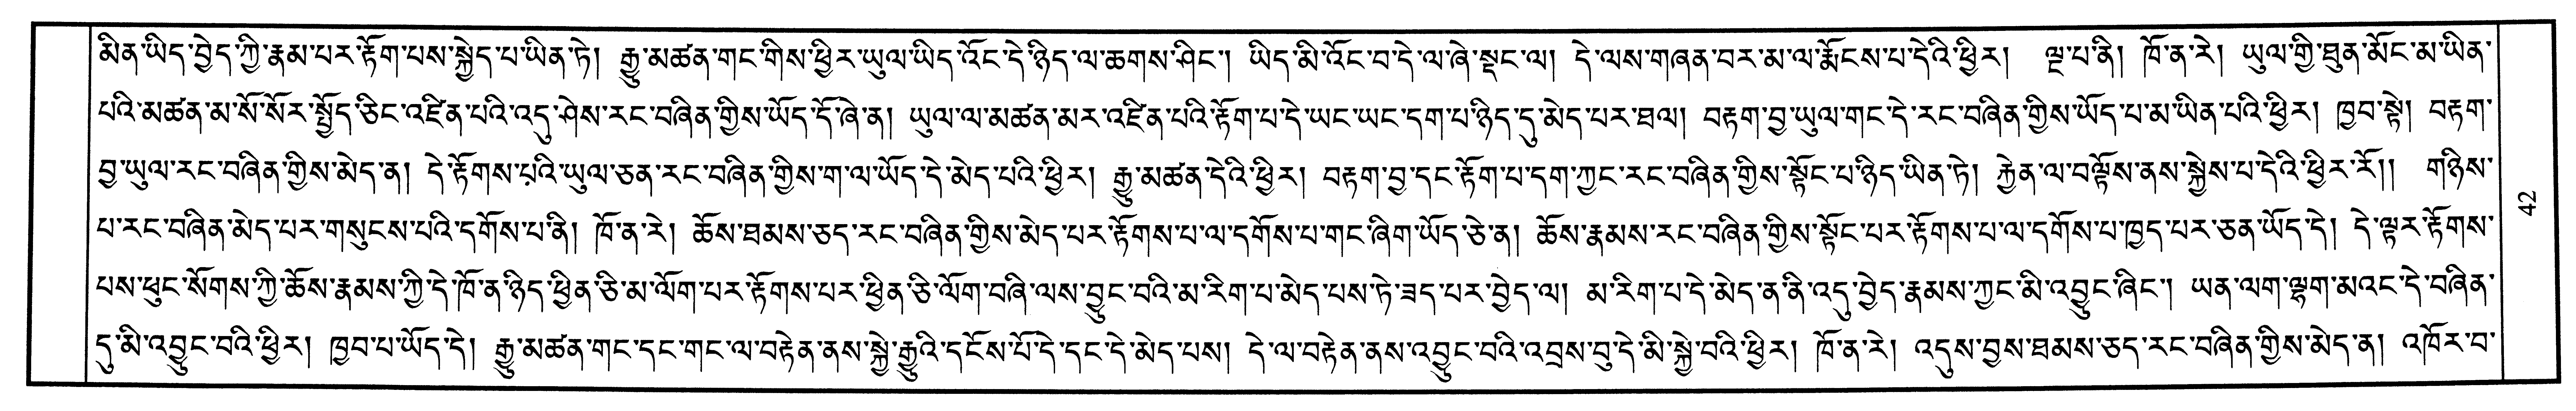མིན་ཡིད་བྱེད་ཀྱི་རྣམ་པར་རྟོག་པས་སྐྱེད་པ་ཡིན་ཏེ། རྒྱུ་མཚན་གང་གིས་ཕྱིར་ཡུལ་ཡིད་འོང་དེ་ཉིད་ལ་ཆགས་ཤིང་། ཡིད་མི་འོང་བ་དེ་ལ་ཞེ་སྡང་ལ། དེ་ལས་གཞན་བར་མ་ལ་རྨོངས་པ་དེའི་ཕྱིར། ལྔ་པ་ནི། ཁོ་ན་རེ། ཡུལ་གྱི་ཐུན་མོང་མ་ཡིན་
པའི་མཚན་མ་སོ་སོར་སྤྱོད་ཅིང་འཛིན་པའི་འདུ་ཤེས་རང་བཞིན་གྱིས་ཡོད་དོ་ཞེ་ན། ཡུལ་ལ་མཚན་མར་འཛིན་པའི་རྟོག་པ་དེ་ཡང་ཡང་དག་པ་ཉིད་དུ་མེད་པར་ཐལ། བརྟག་བྱ་ཡུལ་གང་དེ་རང་བཞིན་གྱིས་ཡོད་པ་མ་ཡིན་པའི་ཕྱིར། ཁྱབ་སྟེ། བརྟག་
བྱ་ཡུལ་རང་བཞིན་གྱིས་མེད་ན། དེ་རྟོགས་པའི་ཡུལ་ཅན་རང་བཞིན་གྱིས་ག་ལ་ཡོད་དེ་མེད་པའི་ཕྱིར། རྒྱུ་མཚན་དེའི་ཕྱིར། བརྟག་བྱ་དང་རྟོག་པ་དག་ཀྱང་རང་བཞིན་གྱིས་སྟོང་པ་ཉིད་ཡིན་ཏེ། རྐྱེན་ལ་བལྟོས་ནས་སྐྱེས་པ་དེའི་ཕྱིར་རོ།། གཉིས་
པ་རང་བཞིན་མེད་པར་གསུངས་པའི་དགོས་པ་ནི། ཁོ་ན་རེ། ཆོས་ཐམས་ཅད་རང་བཞིན་གྱིས་མེད་པར་རྟོགས་པ་ལ་དགོས་པ་གང་ཞིག་ཡོད་ཅེ་ན། ཆོས་རྣམས་རང་བཞིན་གྱིས་སྟོང་པར་རྟོགས་པ་ལ་དགོས་པ་ཁྱད་པར་ཅན་ཡོད་དེ། དེ་ལྟར་རྟོགས་
པས་ཕུང་སོགས་ཀྱི་ཆོས་རྣམས་ཀྱི་དེ་ཁོ་ན་ཉིད་ཕྱིན་ཅི་མ་ལོག་པར་རྟོགས་པར་ཕྱིན་ཅི་ལོག་བཞི་ལས་བྱུང་བའི་མ་རིག་པ་མེད་པས་ཏེ་ཟད་པར་བྱེད་ལ། མ་རིག་པ་དེ་མེད་ན་ནི་འདུ་བྱེད་རྣམས་ཀྱང་མི་འབྱུང་ཞིང་། ཡན་ལག་ལྷག་མའང་དེ་བཞིན་
དུ་མི་འབྱུང་བའི་ཕྱིར། ཁྱབ་པ་ཡོད་དེ། རྒྱུ་མཚན་གང་དང་གང་ལ་བརྟེན་ནས་སྐྱེ་རྒྱུའི་དངོས་པོ་དེ་དང་དེ་མེད་པས། དེ་ལ་བརྟེན་ནས་འབྱུང་བའི་འབྲས་བུ་དེ་མི་སྐྱེ་བའི་ཕྱིར། ཁོ་ན་རེ། འདུས་བྱས་ཐམས་ཅད་རང་བཞིན་གྱིས་མེད་ན། འཁོར་བ་